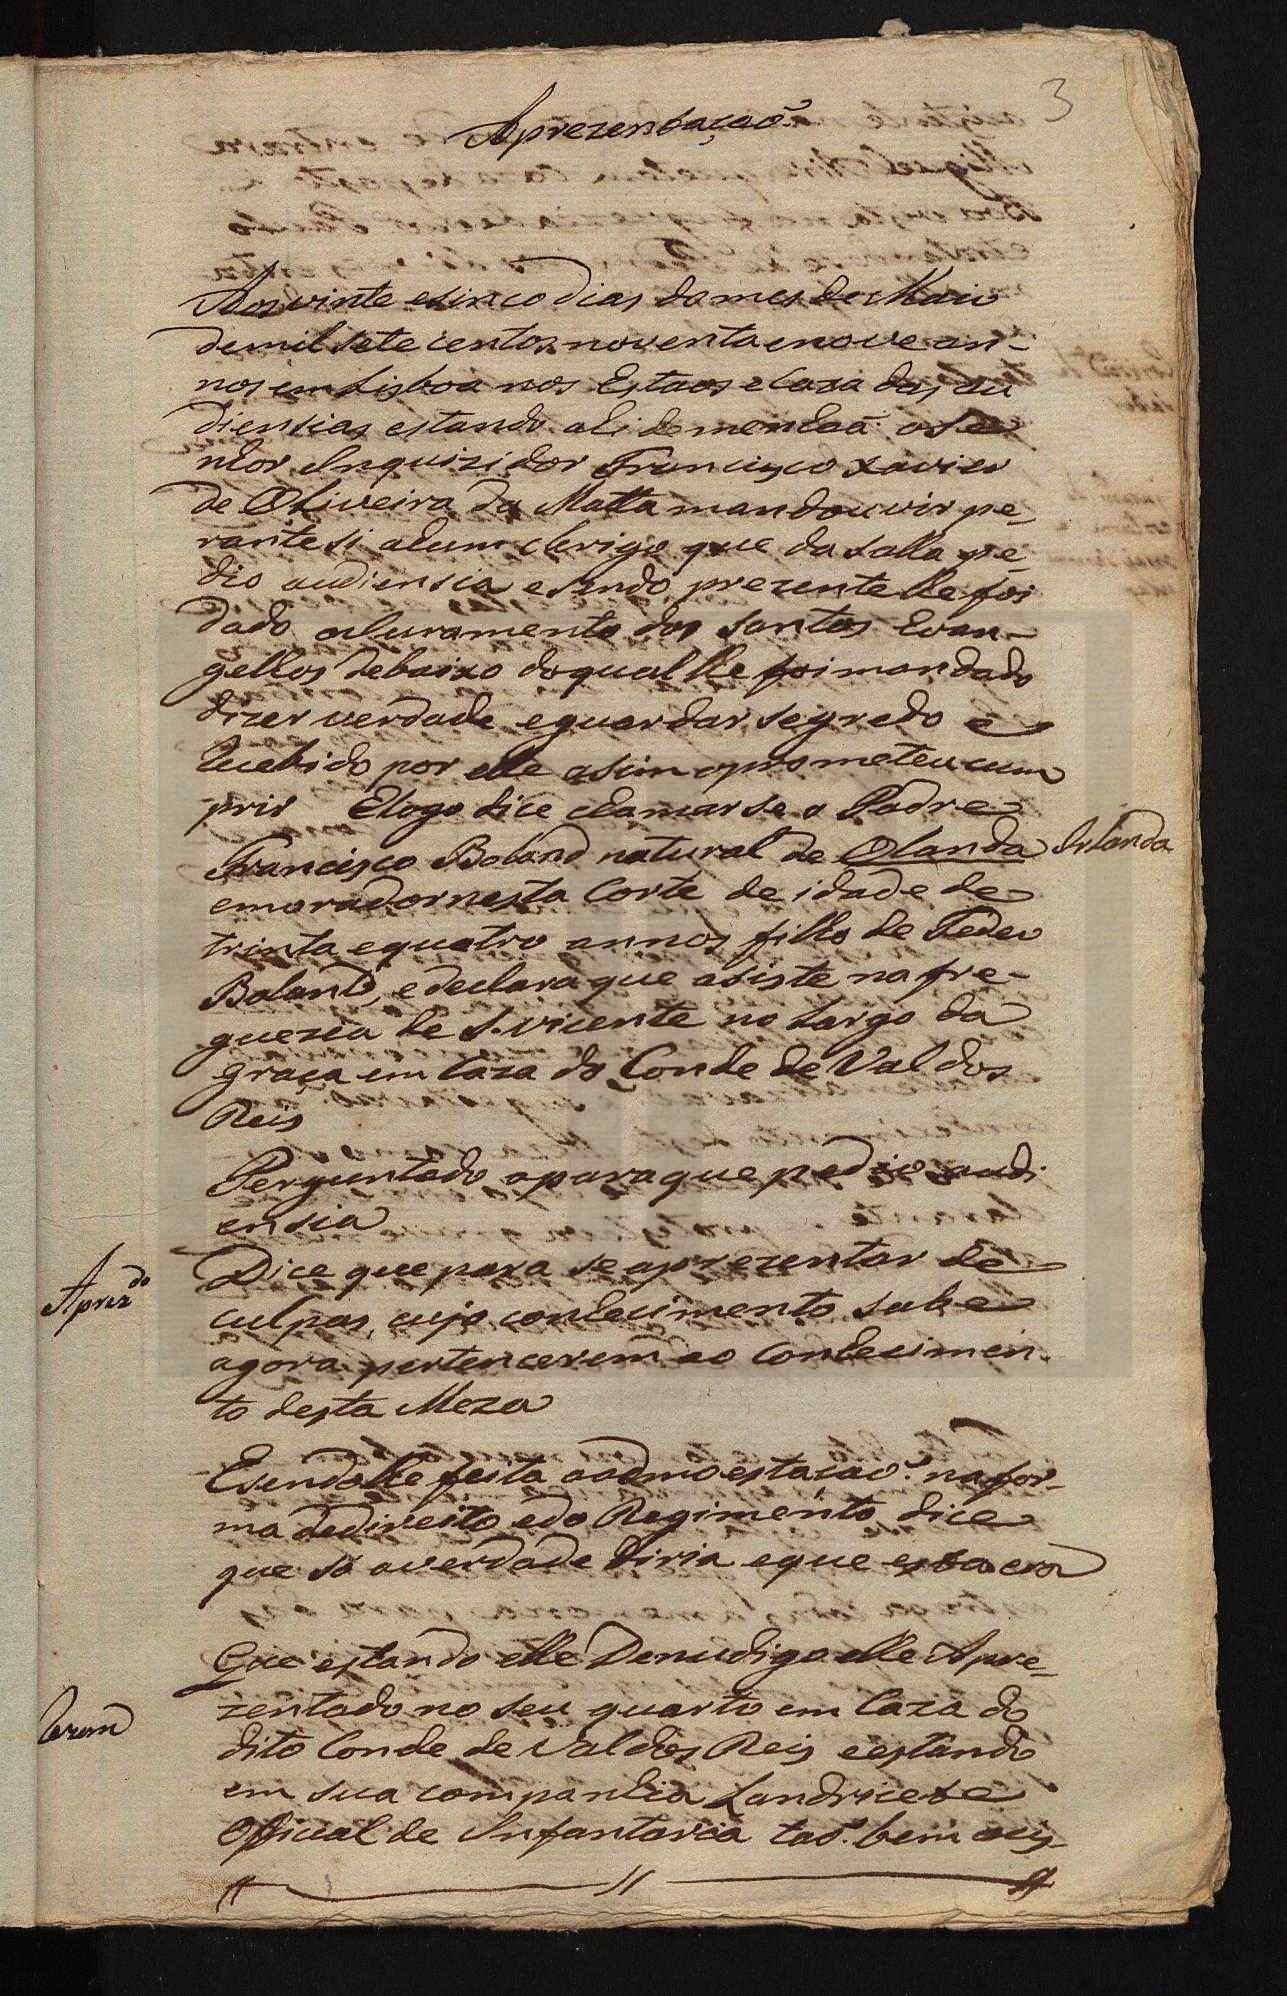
Aprez.do
Rezam
Aprezentaçaõ
Aoz vinte e sinco dias do mes de Maio
de mil setecentos noventa e nove an
nos em Lisboa nos Estaos e Caza das au
diensias estando ahi de menhaã o Se
nhor Inquizidor Francisco Xavier
de Oliveira da Matta mandou vir pe
rante si a hum clerigo que da salla pe
dio audiensia e sendo prezente lhe foi
dado o Iuramento dos Santos Evan
gelhos debaixo do qual lhe foi mandado
dizer verdade e guardar segredo e
Recebido por elle asim o prometeu cum
prir E logo dice chamarse o Padre
Francisco Boland natural de Olanda Irlanda
e morador nesta corte de idade de
trinta e quatro annos filho de Tedeo
Boland, e declara que asiste na fre
guezia de S. Vicente no Largo da
Graça em caza do Conde de Val dos
Reis
Perguntado o para que pedio audi
ensia
Dice que para se aprezentar de
culpas, cujo conhecimento sabe
agora pertencerem ao conhecimen
to desta Meza
E sendolhe feita a admoestaçaõ na for
ma de direito, e do Regimento dice
que só a verdade diria e que esta era
Que estando elle Denu digo elle Apre
zentado no seu quarto em caza do
dito Conde de Val dos Reis, e estando
em sua companhia Landricete
official de Infantaria taõbem acis
